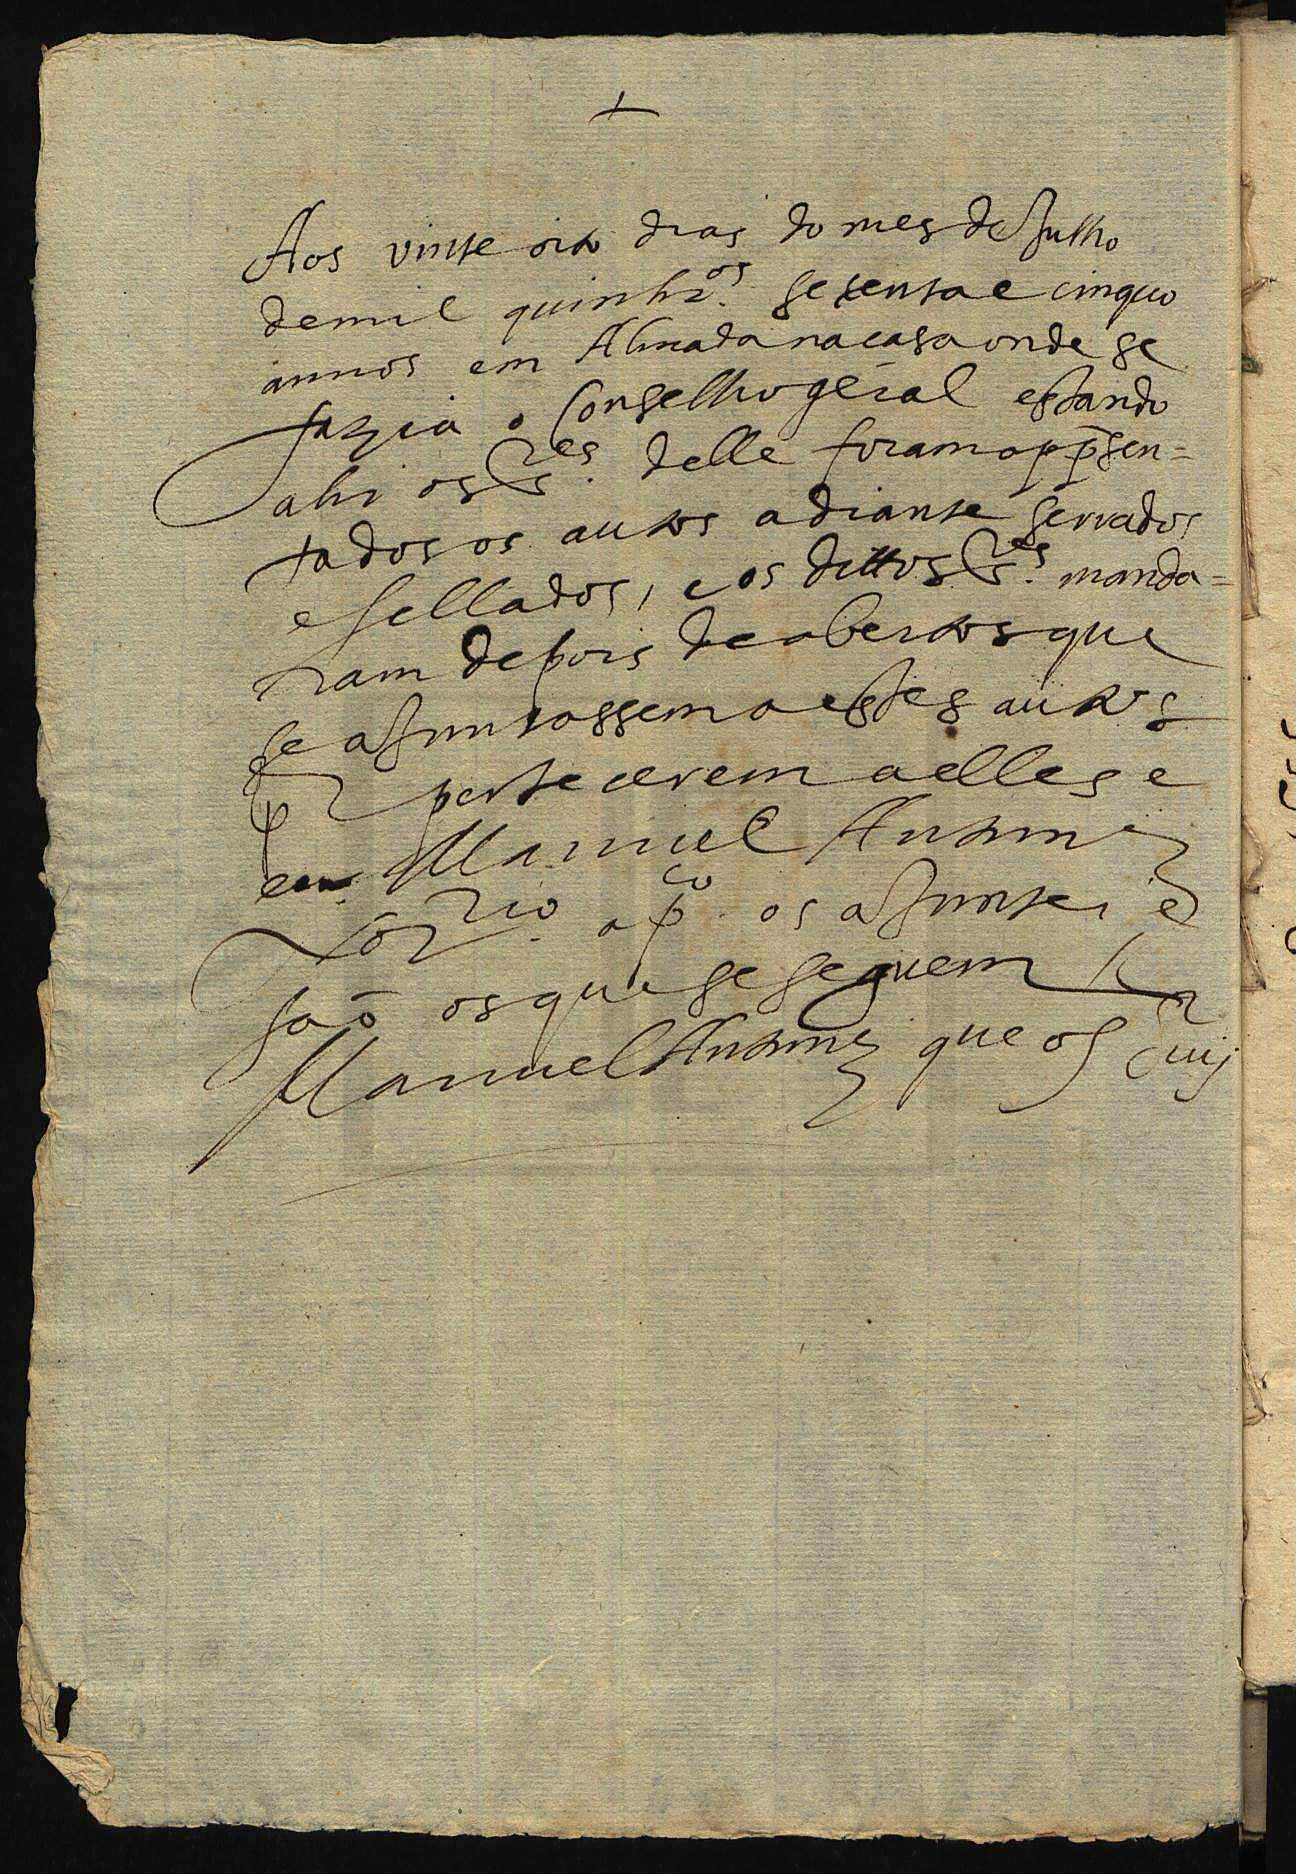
Aos vinte oito dias do mes de Julho
de mil quinht.os setenta e cinquo
annos em Almada na casa onde se
fazia o Conselho geral estando
ahi os sres. delle foram app̄sen
tados os autos adiante serrados
e sellados, e os dittos sres. manda
ram depois de abertos que
se aJuntassem a estes autos
por pertecerem a elles e
eu Manuel Antunez
Notrio. apco os aJuntei e
saõ os que se seguem
Manuel Antunez que o scruj
